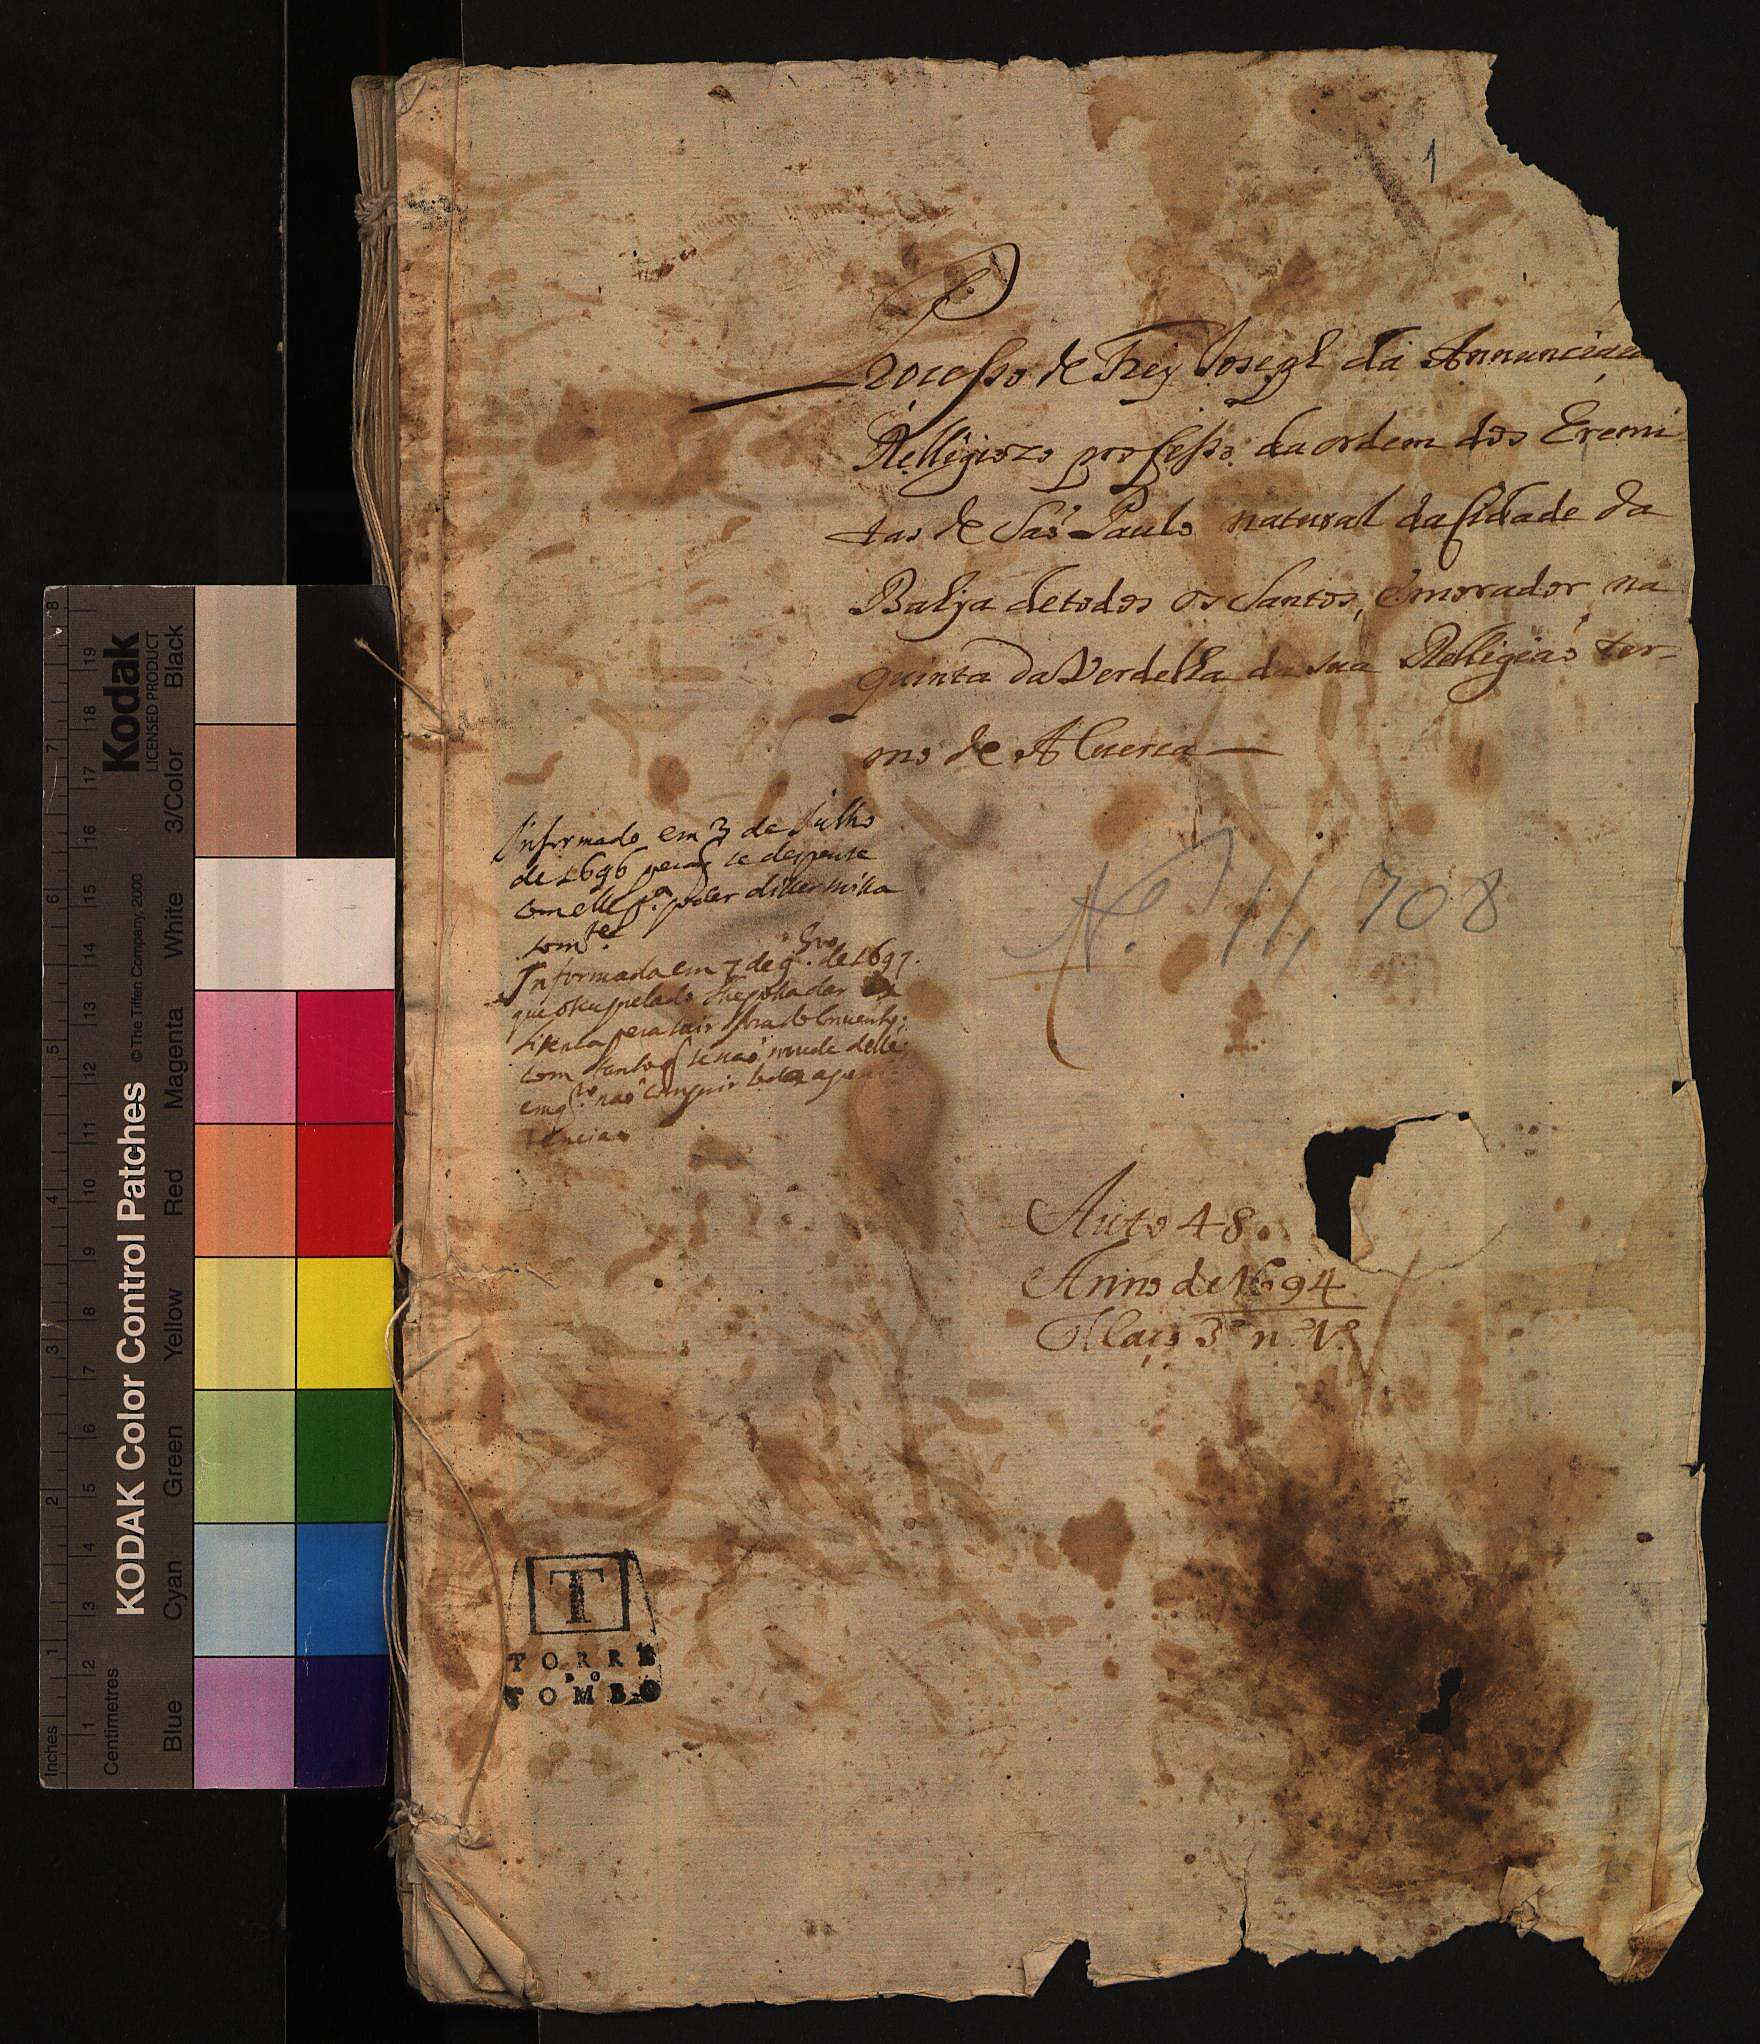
Processo de Frey Ioseph da Annunciaç
Relligiozo professo da ordem dos Eremi
tas de Saõ Paulo natural da Cidade da
Bahya de todos os Santos, e morador na
quinta da Verdelha da sua Relligiaõ ter
mo de Aluerca
Informado em 3 de Iulho
de 1696 pera q̄ se despense
com elle p.a poder disser missa
som.te
Jnformada em 7 de 9.ro de 1697.
que o seu prelado lhe possa dar
lisença pera sair fora do conuento;
comtanto q̄ se naõ mude delle
emq.to naõ comprir toda a peni
tencia.
Auto 480
Anno de 1694
Maço 3o n.o 1.o
